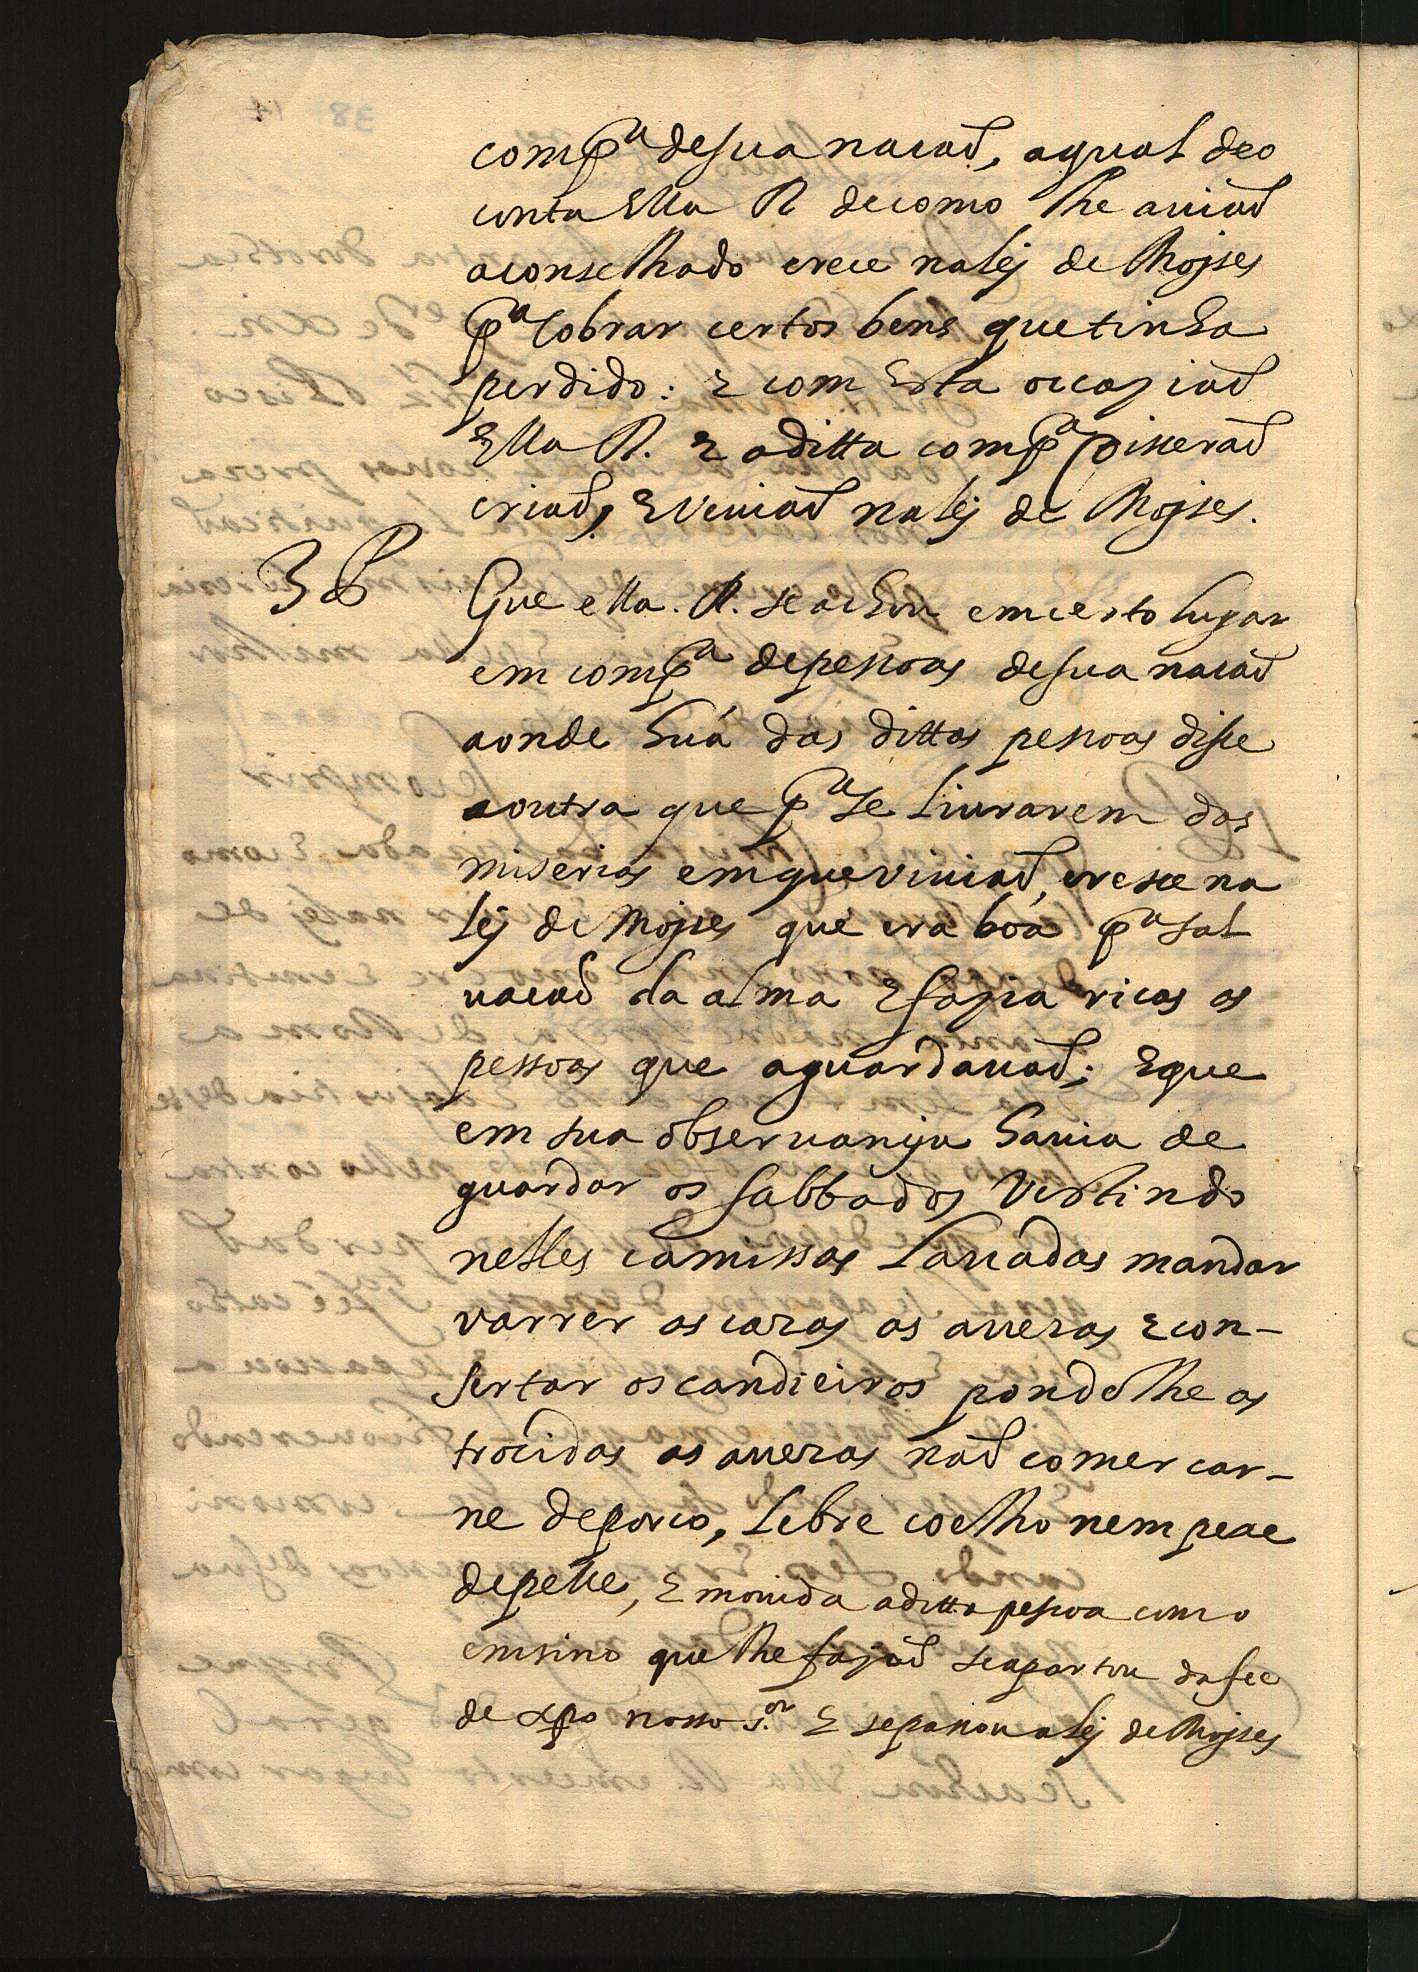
compa de sua nacaõ, a qual deo
conta Ella R de como lhe auião
aconselhado crece na lej de Mojses
pra cobrar certos bens que tinha
perdido: E com Esta occazião
Ella R. E a ditta compa disserão
criaõ, E veuiaõ na lej de Mojses.
Que ella .R. se achou em certo lugar
em compa de pessoas de sua nacaõ
aonde huā das dittas pessoas disse
a outra que pra se Liurarem das
miserias em que viuiaõ, cresse na
lej de Mojses, que era boa pra saL
uacaõ da alma E fazia ricas as
pessoas que a guardauaõ; E que
em sua obseruancja hauia de
guardar os Sabbados Vestindo
nelles camissas Lauadas mandar
varrer as cazas as auezas E con
sertar os candieiros pondolhe as
trocidas as auezas naõ comer car
ne de porco, Lebre coelho nem pexe
de pelle, E mouida a ditta pessoa com o
emsino que lhe faziaõ se apartou da fee
de xpo nosso s.or E se passou a Lej de Mojses
